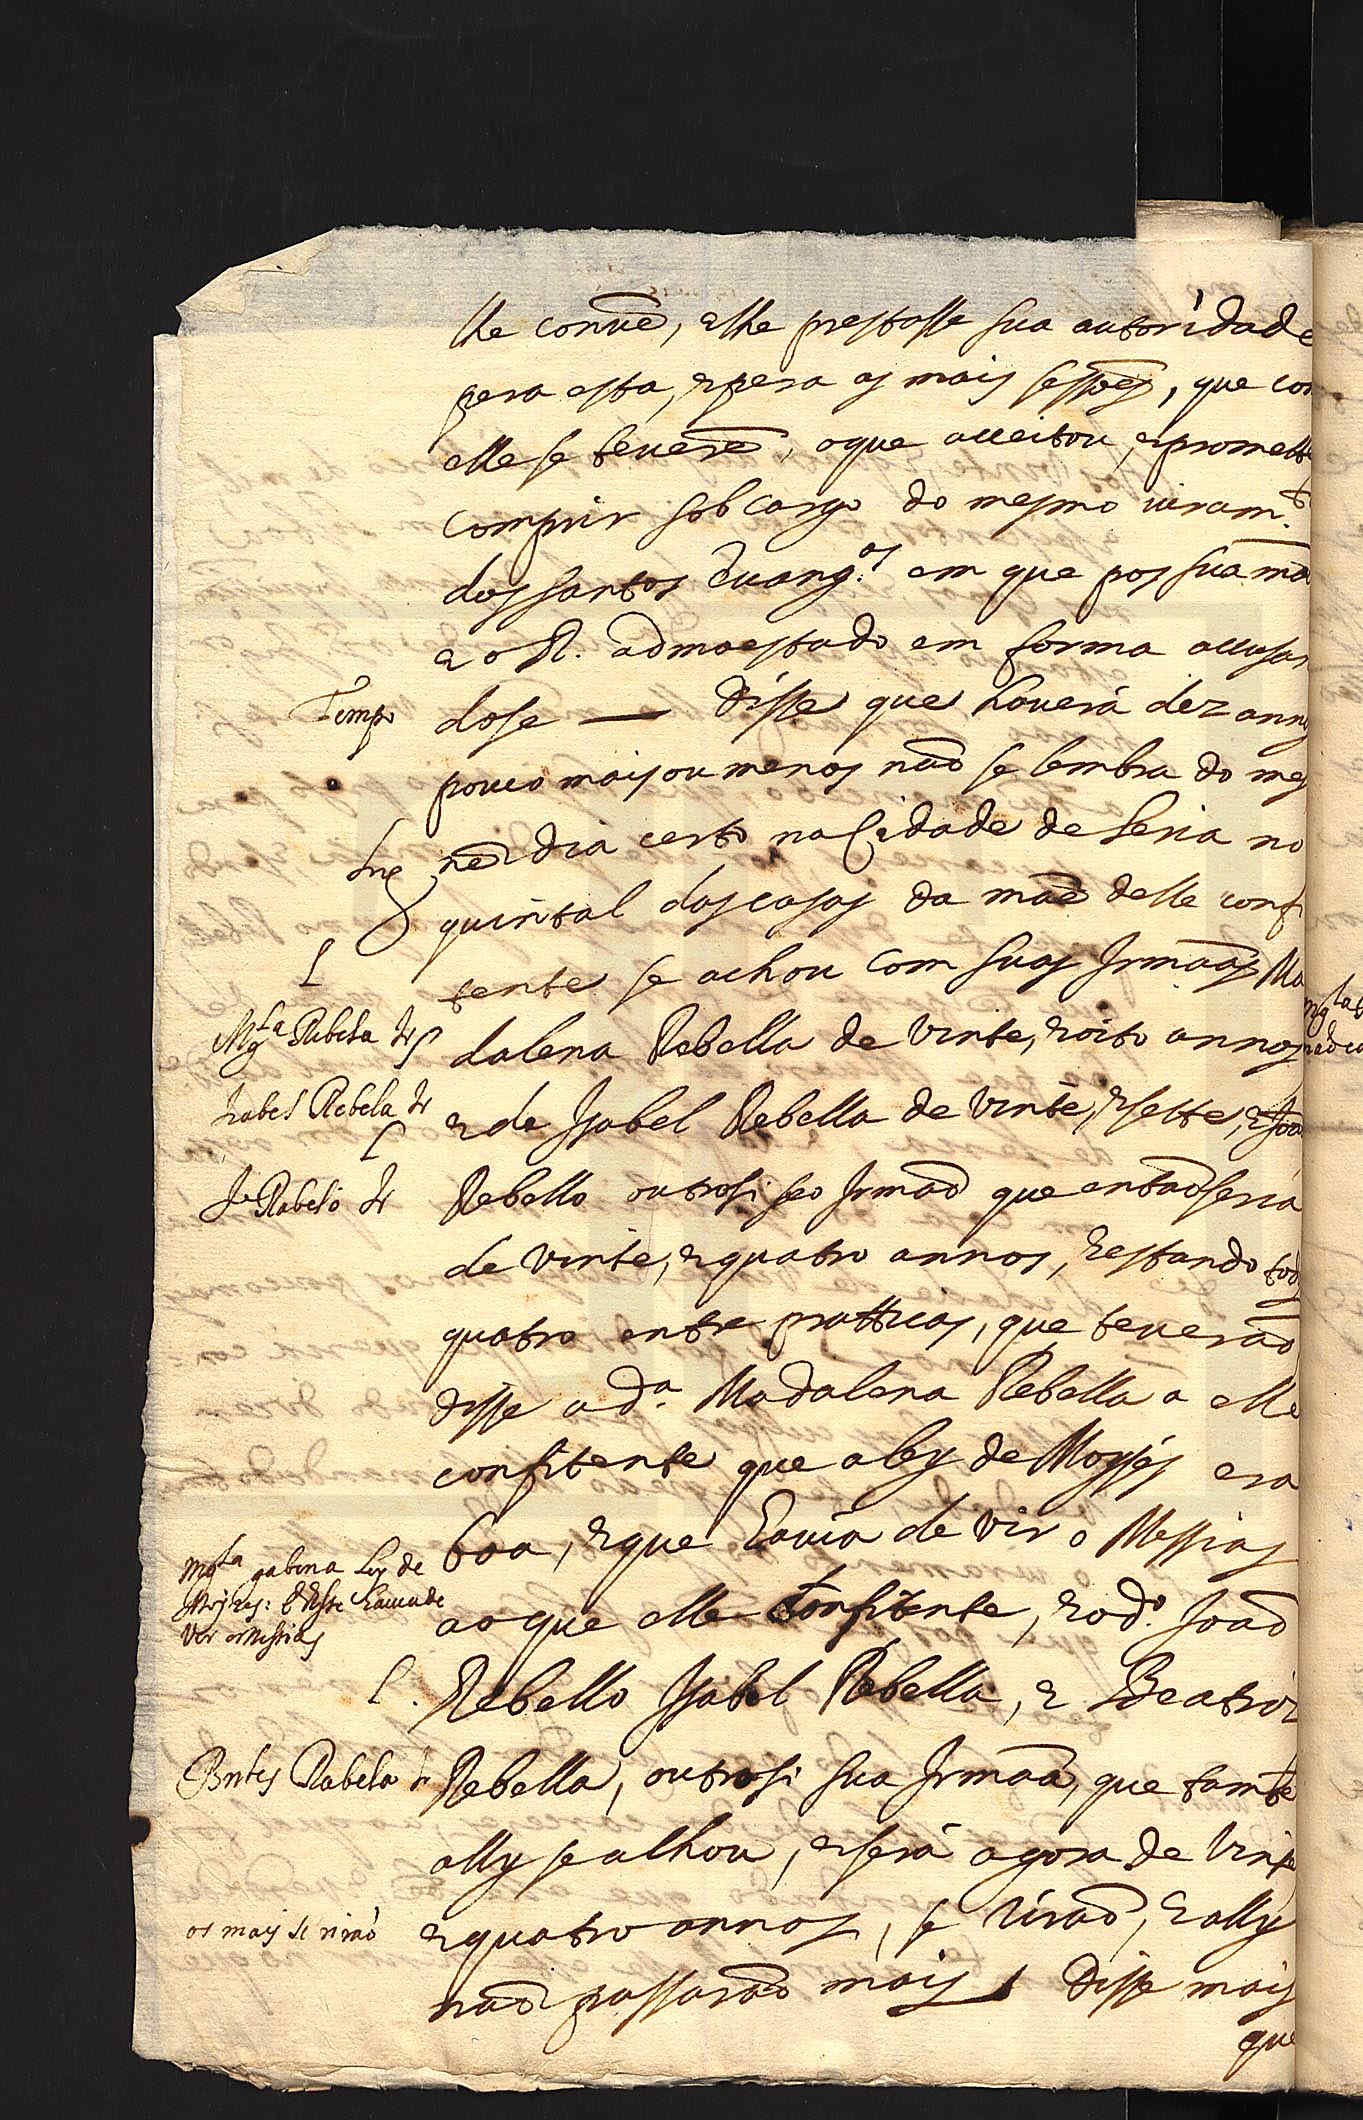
lhe conūe, E lhe prestasse sua autoridade
pera esta, E pera as mais sessões, que co
elle se teuer̄e, o que acceitou, E promett
comprir sob cargo do mesmo iuram.t
dos santos Euang.os em que pos sua mã
E o R. admoestado em forma accusan
dose
Disse que hauerá dez ann
pouco mais ou menos não se lembra do mes
nē dia certo na Cidade de Leria no
quintal das casas da mãe delle confi
tente se achou com suas Jrmāas Ma
dalena Rebella de vinte, E oito annos
E de Jsabel Rebella de vinte, E sette, E Jōa
Rebello outrosi seo Jrmão que então seria
de vinte, E quatro annos, E estando tod
quatro entre pratticas, que teuerão
disse a d.a Madalena Rebella a elle
confitente que a ley de Moysés era
boa, E que hauia de vir o Messias
ao que elle confitente, E o d.o João
Rebello Jsabel Rebella, E Beatriz
Rebella, outrosi sua Jrmāa, que tambē
ally se achou, E será agora de vinte
E quatro annos, se rirão, E ally
não passarão mais Disse mais
que
